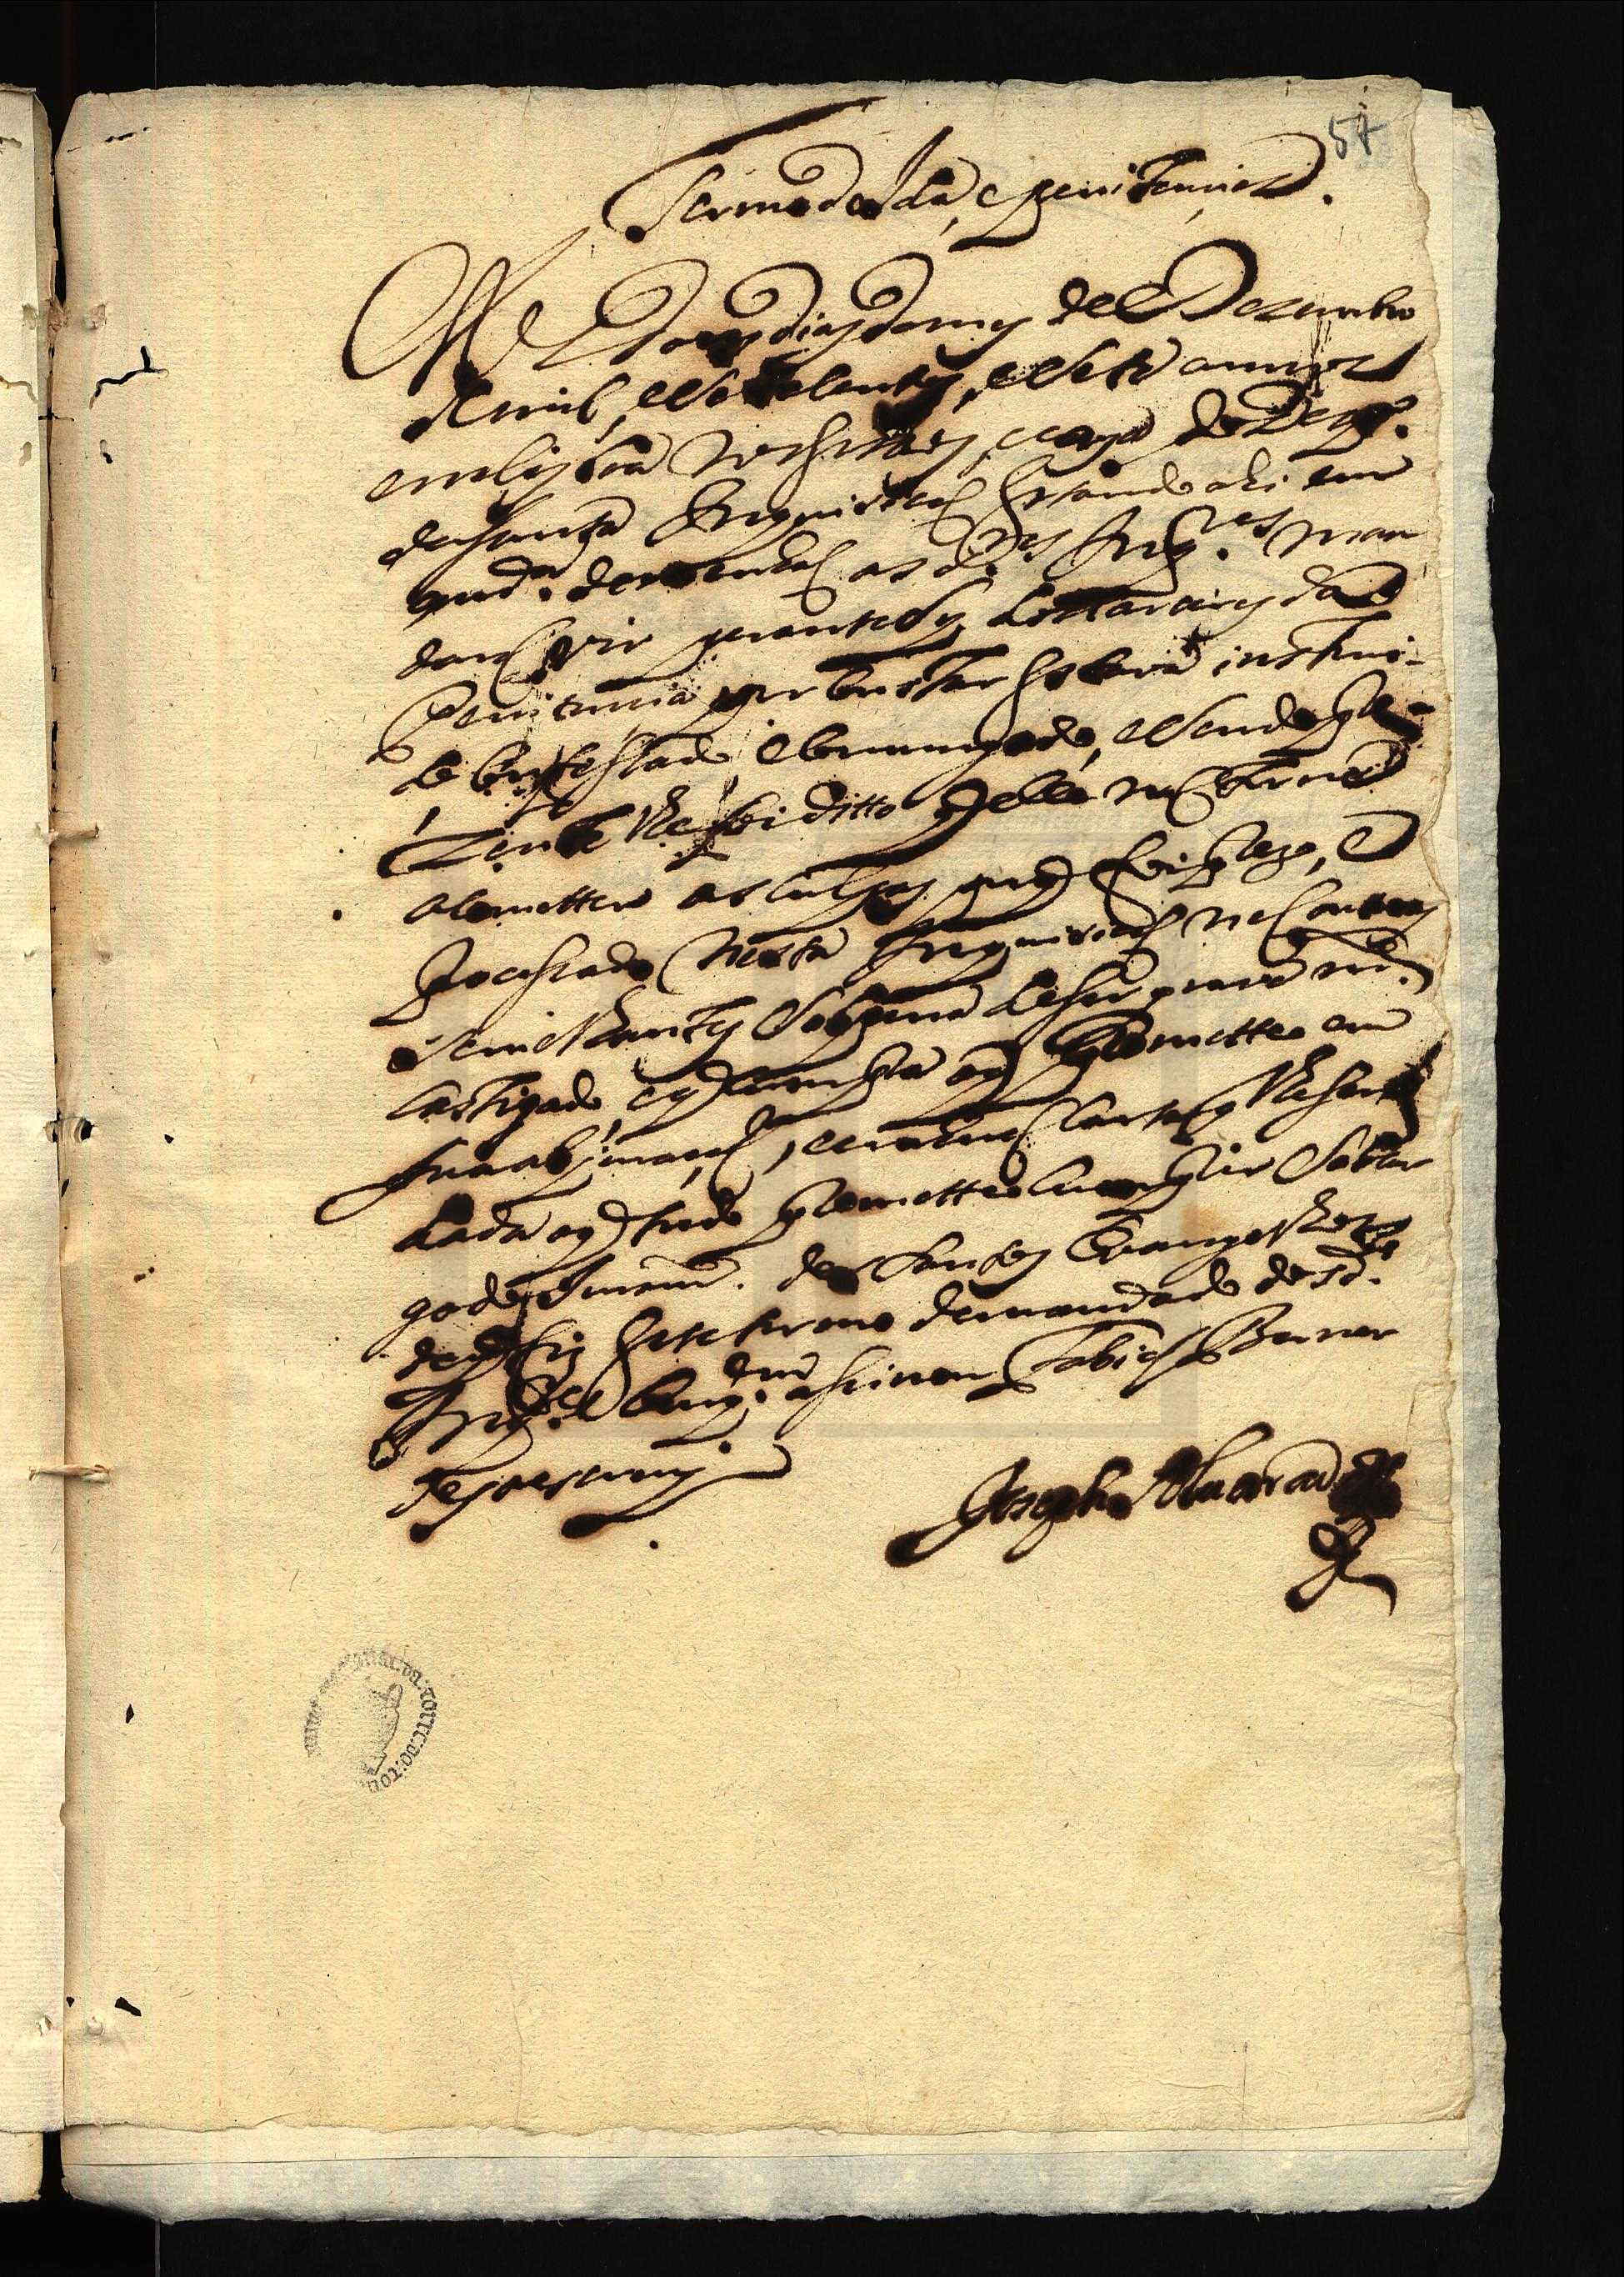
Termo de Ida, e penitencias.
Aos dous dias do mes de Dezembro
de mil, e setecentos, e sete annos
em lisboa nos estaos e caza do Despo.
da santa Inquisiçaꝭ Estando ahi em
aud.a de menhaꝭ os S.res Inq.res man
daraꝭ vir perante sy dos Carceres da
penitencia por Constar Estava intrui
do Confessado, e comungado, e Sendo pRe
Zente lhe foi ditto q̄ elle naꝭ tornou
a cometter as culpas porq̄ foi pRezo, e
pRocessado nesta Jnquisiçaꝭ nē outras
semelhantes Sob pena de ser gravem.te
Castigado e q̄ cumpRa o q̄ pRometteo em
sua abjuraçaꝭ, e em huā carta q̄ lhe ser_
dada o q̄ tudo pRometteo cumprir Sob car
go do Iuram.to dos Santos Evangelhos
de q̄ fiz este termo de mandado dos d̄.os
Jnq.res Com q.em assinou Fabiaꝭ Bernar
des o escreuj
Joseph Alvarado
